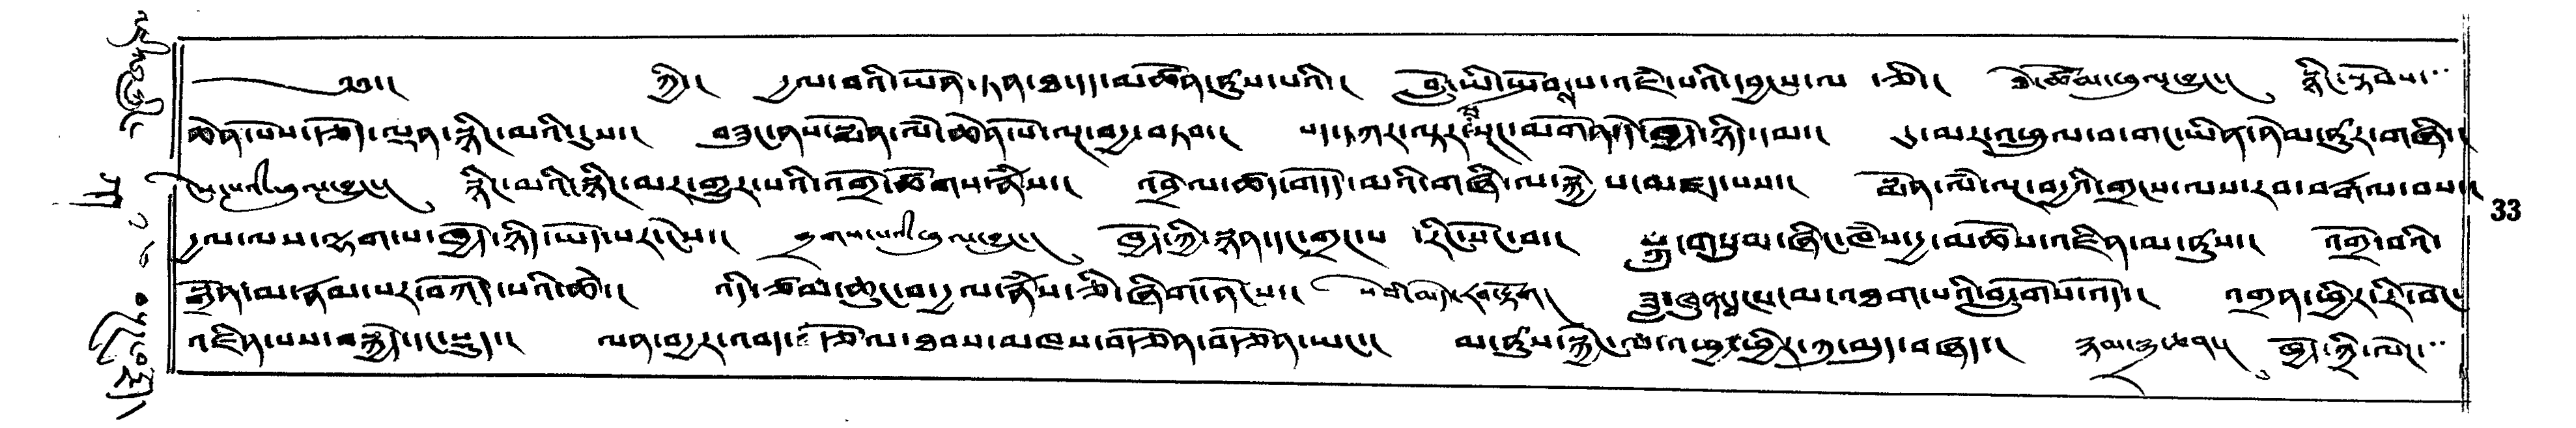ཀྱི། །རྒྱལ་བའི་ཡོན་ཏན་ཐ་དད་མཚོན་ནུས་པའི། །བློ་ཡི་སྤོབས་པ་འཇམ་པའི་དབྱངས་ལ་ཅི། ། ཐེ་ཚོམ་ཕུལ་བྱུང་། སྙིང་སྟོབས་
ཆེན་པོས་རྩོད་ལྡན་སྙིགས་མའི་དུས། །བཟུང་ནས་སྨོན་ལམ་ཆེན་པོ་ལྔ་བརྒྱ་བཏབ། །པད་དཀར་ལྟར་བསྔགས་མགོན་དེ་ཁྱོད་ཉིད་དམ། །དུ་མར་འཕྲུལ་བ་གང་ཡིན་ནེམ་ནུར་གཞི། །
 ངེས་པའི་ཕུལ་བྱུང་། སྙིགས་མའི་སྙིགས་མར་གྱུར་པའི་འགྲོ་ཚོགས་རྣམས། །འབྲེལ་ཚད་གདོད་མའི་གཞི་ལ་སྐྱེས་མཛད་པས། །སྨོན་ལམ་ལྔ་བརྒྱའི་གྲངས་ལས་རབ་བརྒལ་བས། །
རྒྱལ་ལས་ལྷག་པ་ཁྱོད་ཉིད་ཡོད་པར་ངེས། ། གྲགས་པའི་ཕུལ་བྱུང་། ཁྱོད་ཀྱི་སྙན་དང་གྲགས་པ་རིང་སོང་བ། །སྐུ་གསུམ་ཞིང་ཁམས་རྒྱ་མཚོས་འཛིན་མ་ནུས། །འགྲོ་བའི་
སྒྲོན་མ་རྣམ་པར་བཀོད་པའི་ཚེ། །འདི་ཙམ་ཆུང་བ་རྒྱལ་རྣམས་ཅི་ཞིག་ནོངས། ། སེམས་མེད་རབ་རྟོག ཟླ་ཞུན་དྭངས་མ་འཐག་པའི་བླ་གོས་འོད། །འགྲན་ཕྱིར་རི་བོང་
འཛིན་པས་སྐྱེད་དང་སྡུད། །ལན་བརྒྱར་འབད་རྩོལ་ཐབས་མཁས་བརྩོན་བརྩོན་ཡང་། །མ་ནུས་སྐྱོང་ལ་འཕྱ་ཕྱིར་ཀུ་མུད་བཞད། ། སྙམ་སྒྲ་ཅན། ཁྱོད་ཀྱི་ལེགས་